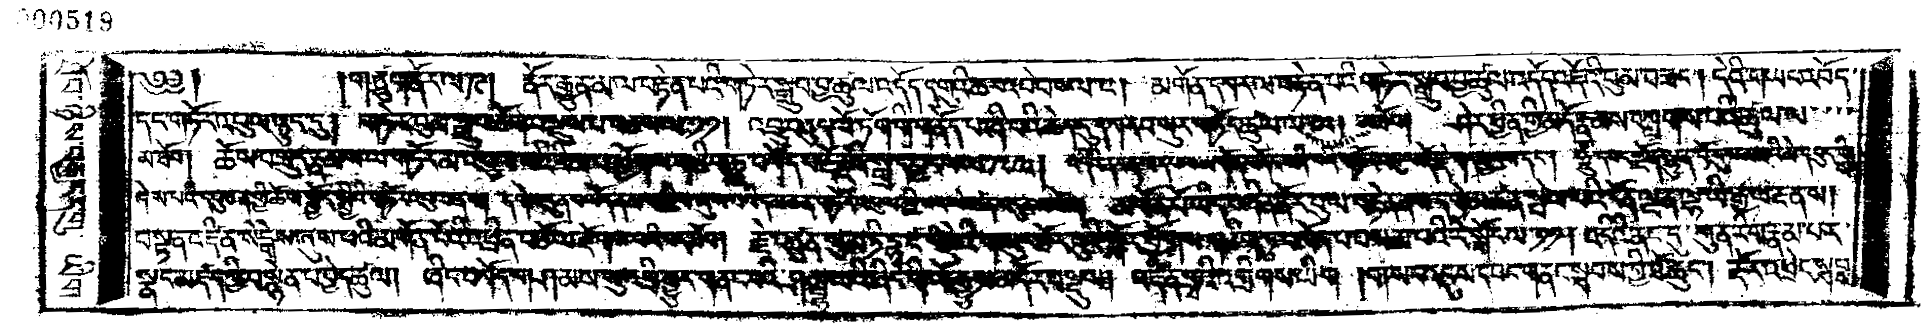༄༅། །གཙུག་ནོར་ལ ༩། ནོར་རྒྱུན་མ་ལ་བརྟེན་པའི་གཏེར་སྒྲུབ་བྱ་ཚུལ་འདོད་དགུའི་ཆར་འབེབས་ལ ༥། མགོན་དཀར་ལ་བརྟེན་པའི་གཏེར་སྒྲུབ་བྱ་ཚུལ་འདོད་འཇོའི་བུམ་བཟང་། དེའི་གཡང་འབོད་
དང་གཏོར་འབུལ་ཉུང་དུ། གཏེར་བུམ་སྒྲུབ་ཆོག་བསྡུས་པ་བཅས་ལ ༡༡། འབྲུ་བཅུད་ལོ་ཏོག་གི་གནོད་པ་ཞི་བའི་ཆེད་དུ་དཀར་བསུར་གཏོད་ཚུལ་ལ་མ་ཐོབ།  ༣། ཤེར་ཕྱིན་གྱི་མདོ་རྣམས་བཀླགས་པའི་ཚུལ་ལ་
མ་ཐོབ།  ཆོས་བསྲུང་རྣམས་ལ་གཏོར་མ་འབུལ་བའི་རིམ་པ་ཕྱོགས་གཅིག་ཏུ་བཀོད་པ་རྡོ་རྗེའི་སྒྲ་དབྱངས་ལ ༢༣། འདིའི་ནང་ནས་དཔལ་མགོན་གདོང་བཞི་པའི་གཏོར་འབུལ་རྡོ་རྗེ་གད་རྒྱངས་དང་། ཧཱུཾ་དབང་སྔོན་ལྷུན་པོ་དུས་མཐའི་མེ་དཔུང་གིས།
ཞེས་པའི་དབུ་ཅན་གྱི་ཆོས་སྐྱོང་སྤྱིའི་གཏོར་འབུལ་ནས། དགེ་འདུན་བསོད་ནམས་ཀྱིས་ཞུས་པའི་དམ་ཅན་གཏོར་འབུལ་གྱི་བར་ལེ་ཚན་བདུན་མ་ཐོབ། མགོན་པོ་ཡིད་བཞིན་ནོར་བུ་ལ་བརྟེན་ནས་དགེ་མཚན་སྤེལ་པའི་དོན་ལྡན་ལྷ་ཡི་རྒྱལ་རྔ་ནས།
བསྟན་འཛིན་སེངྒེས་ཞུས་པའི་མགོན་པོའི་འཕྲིན་བཅོལ་རྫོགས་པའི་བར་ཐོབ། རྗེ་བཙུན་སུ་མ་ཏི་དྷྭ་ཛ་སིངྔེའི་གསུང་ཐོར་བུའི་སྐོར་ཕྱོགས་གཅིག་ཏུ་བཀོད་པ་བསམ་པའི་རེ་སྐོང་ལ ༡༡། འདིའི་ནང་དུ་ཀུན་རིག་རྣམ་པར་
སྣང་མཛད་ཀྱི་བསྙེན་པ་བྱེད་ཚུལ། ཞིང་བཀོད་གཤམས་སུ་འགྲི་རྒྱུར་གནང་པའི་ཤམྦྷ་ལའི་ཞིང་གི་ལོ་རྒྱུས་མདོར་བསྡུས། འཛིན་གྲྭའི་འགྲིགས་ཡིག །གསང་འདུས་དབང་གནང་སྐབས་ཀྱི་ཐོ་ཆུང་། རྡོར་འཕྲེང་སྐབས་